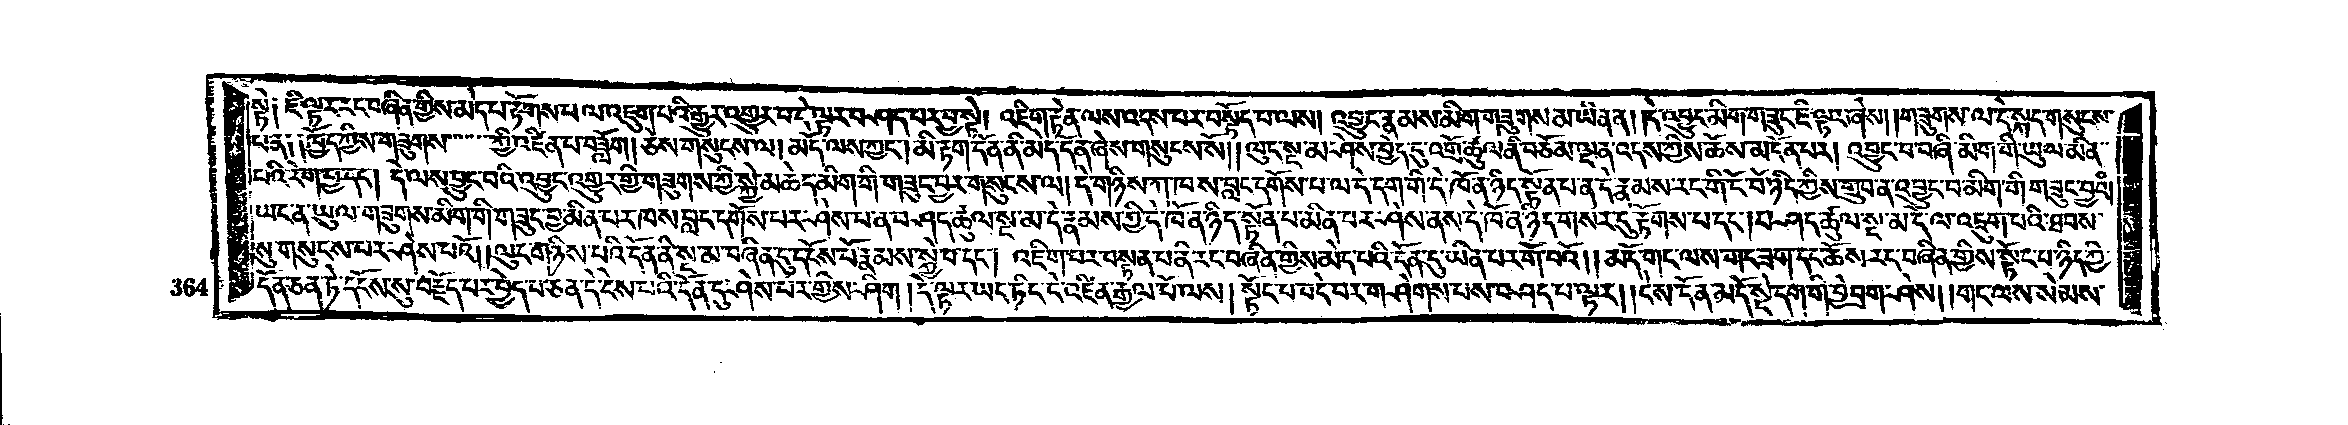སྟེ། ཇི་ལྟར་རང་བཞིན་གྱིས་མེད་པ་རྟོགས་པ་ལ་འཇུག་པའི་རྒྱུར་འགྱུར་བ་དེ་ལྟར་བཤད་པར་བྱ་སྟེ། འཇིག་རྟེན་ལས་འདས་པར་བསྟོད་པ་ལས། འབྱུང་རྣམས་མིག་གཟུགས་མ་ཡིན་ན། །དེ་འབྱུང་མིག་གཟུང་ཇི་ལྟར་ཞེས། །གཟུགས་ལ་དེ་སྐད་གསུངས་
པ་ན། །ཁྱོད་ཀྱིས་གཟུགས་ཀྱི་འཛིན་པ་བཟློག །ཅེས་གསུངས་ལ། མདོ་ལས་ཀྱང་། མི་རྟག་དོན་ནི་མེད་དོན་ཞེས་གསུངས་སོ། །ལུང་སྔ་མ་ཤེས་བྱེད་དུ་འགྲོ་ཚུལ་ནི་བཅོམ་ལྡན་འདས་ཀྱིས་ཆོས་མངོན་པར། འབྱུང་བ་བཞི་མིག་གི་ཡུལ་མིན་
པའི་རེག་བྱ་དང་། དེ་ལས་བྱུང་བའི་འབྱུང་འགྱུར་གྱི་གཟུགས་ཀྱི་སྐྱེ་མཆེད་མིག་གི་གཟུང་བྱར་གསུངས་ལ། དེ་གཉིས་ཀ་ཁས་བླང་དགོས་པ་ལ་དེ་དག་གི་དེ་ཁོ་ན་ཉིད་སྟོན་པ་ན་དེ་རྣམས་རང་གི་ངོ་བོ་ཉིད་ཀྱིས་གྲུབ་ན་འབྱུང་བ་མིག་གི་གཟུང་བྱའམ།
ཡང་ན་ཡུལ་གཟུགས་མིག་གི་གཟུང་བྱ་མིན་པར་ཁས་བླང་དགོས་པར་ཤེས་པ་ན་བཤད་ཚུལ་སྔ་མ་དེ་རྣམས་ཀྱི་དེ་ཁོ་ན་ཉིད་སྟོན་པ་མིན་པར་ཤེས་ནས་དེ་ཁོ་ན་ཉིད་གསར་དུ་རྟོགས་པ་དང་། བཤད་ཚུལ་སྔ་མ་དེ་ལ་འཇུག་པའི་ཐབས་
སུ་གསུངས་པར་ཤེས་པའོ། །ལུང་གཉིས་པའི་དོན་ནི་སྔ་མ་བཞིན་དུ་དངོས་པོ་རྣམས་སྐྱེ་བ་དང་། འཇིག་པར་བསྟན་པ་ནི་རང་བཞིན་གྱིས་མེད་པའི་དོན་དུ་ཡིན་པར་གོ་བའོ། །མདོ་གང་ལས་གང་ཟག་དང་ཆོས་རང་བཞིན་གྱིས་སྟོང་པ་ཉིད་ཀྱི་
དོན་ཅན་ཏེ་དངོས་སུ་བརྗོད་པར་བྱེད་པ་ཅན་དེ་ངེས་པའི་དོན་དུ་ཤེས་པར་གྱིས་ཤིག །དེ་ལྟར་ཡང་ཏིང་ངེ་འཛིན་རྒྱལ་པོ་ལས། སྟོང་པ་བདེ་བར་གཤེགས་པས་བཤད་པ་ལྟར། །ངེས་དོན་མདོ་སྡེ་དག་གི་བྱེ་བྲག་ཤེས། །གང་ལས་སེམས་